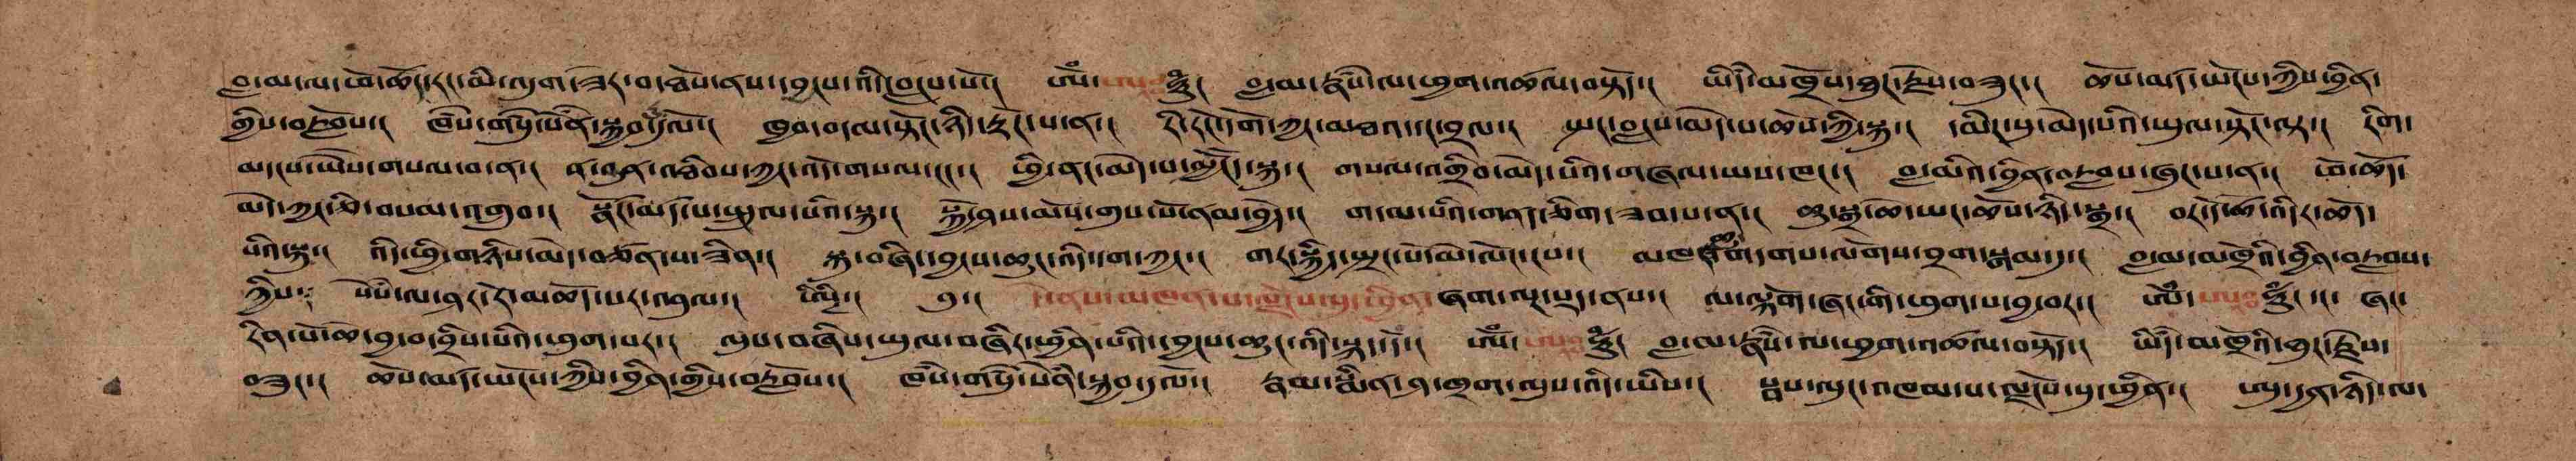བླ་མ་ལ་ཕོ་ཚོད་རང་མི་འདུག་ཟེར་བ་ཐོས་ནས་དབྱངས་འདི་བླངས་སོ། ཨོཾ་ཨཱཿཧཱུཾ། བླ་མ་རྣམས་ལ་ཕྱག་འཚལ་བསྟོད། ཡི་དམ་མཁའ་འགྲོས་ཐུགས་རྗེས་བཟུང་། ཆོས་མཛད་ཡོངས་ཀྱིས་བྱིན་
གྱིས་བརློབས། ཁམས་གསུམ་སེམས་ཅན་སྐྱབས་དུ་གསོལ། ཁྱབ་བདལ་སྟོང་ཉིད་རྟོགས་པ་ན། རི་རོང་དོག་ཀྱང་མཐའ་དང་བྲལ། སྤང་བླངས་མེད་པ་ཆོས་ཀྱི་སྐུ། དམིགས་སུ་མེད་པའི་ཡུལ་སྟོང་ལྟ། རིག་
མདངས་ཡེ་ཤེས་གསལ་བ་ན། ན་བུན་འཐིབས་ཀྱང་འོད་གསལ་ངང་། ཕྱི་ནང་མེད་པ་ལོངས་སྤྱོད་སྐུ། གསལ་འགྲིབ་མེད་པའི་གཞལ་ཡས་ཁང་། བླ་མའི་བྱིན་བརླབས་ཞུགས་པ་ན། ཕོ་ཚོད་
མེད་ཀྱང་ཅི་བསམ་འགྲུབ། སྣ་ཚོགས་མཛད་པ་སྤྲུལ་པའི་སྐུ། སྐྱོ་ཤས་མོས་གུས་སོ་ནམ་བྱེད། གདམ་པའི་གནད་ཅིག་ཟབ་པ་ན། ཆུ་སྒྲ་ཆོ་ཡང་ཆོས་ཉིད་སྒྲ། བར་དོ་ཚེ་འདིར་ཆོད་
པའི་སྐུ། འདི་ཕྱི་གཉིས་མེད་བཙན་ས་ཟིན། སྐུ་བཞི་དབྱངས་ཆུང་འདི་དག་ཀྱང་། གར་སྐྱིད་སྤྲང་པོ་མེ་ལོང་ངས། མཁར་ཆུ་གདགས་པས་ལོགས་བྲག་སྒམ་དུ། བླ་མ་མཁའ་འགྲོའི་བྱིན་བརླབས་
ཀྱིས༑ སེམས་ལ་ཤར་རོ་མཆོད་པར་འབུལ། ཨིཊི། ༄་། དེ་ནས་མཁན་པ་ལྗོངས་སུ་ཕྱིན་ཞག་ལྔ་སྡད་ནས། ལ་ལྐོག་ཞང་གི་ཕུག་པ་བྱ་བར། ཨོཾ་ཨཱཿཧཱུཾ། དང་ཞང་
རིན་པོ་ཆེ་བྱ་བ་བྲིས་པའི་ཕུག་པར། ལུས་བཞིས་ཡུལ་བཞིར་ཕྱིན་པའི་དབྱངས་ཆུང་འདི་སྐད་དོ། ཨོཾ་ཨཱཿཧཱུཾ། བླ་མ་རྣམས་ལ་ཕྱག་འཚལ་བསྟོད། ཡི་དམ་མཁའ་འགྲོའི་ཐུགས་རྗེས་
བཟུང་། ཆོས་མཛད་ཡོངས་ཀྱིས་བྱིན་གྱིས་བརློབས། ཁམས་གསུམ་སེམས་ཅན་སྐྱབ་དུ་གསོལ། རྣམ་སྨིན་ཤ་ཁྲག་ལུས་འདི་ཡིས། སྦས་ལུང་འཁམ་པ་ལྗོངས་སུ་ཕྱིན། ཨུ་རྒྱན་ཉིད་ལ་